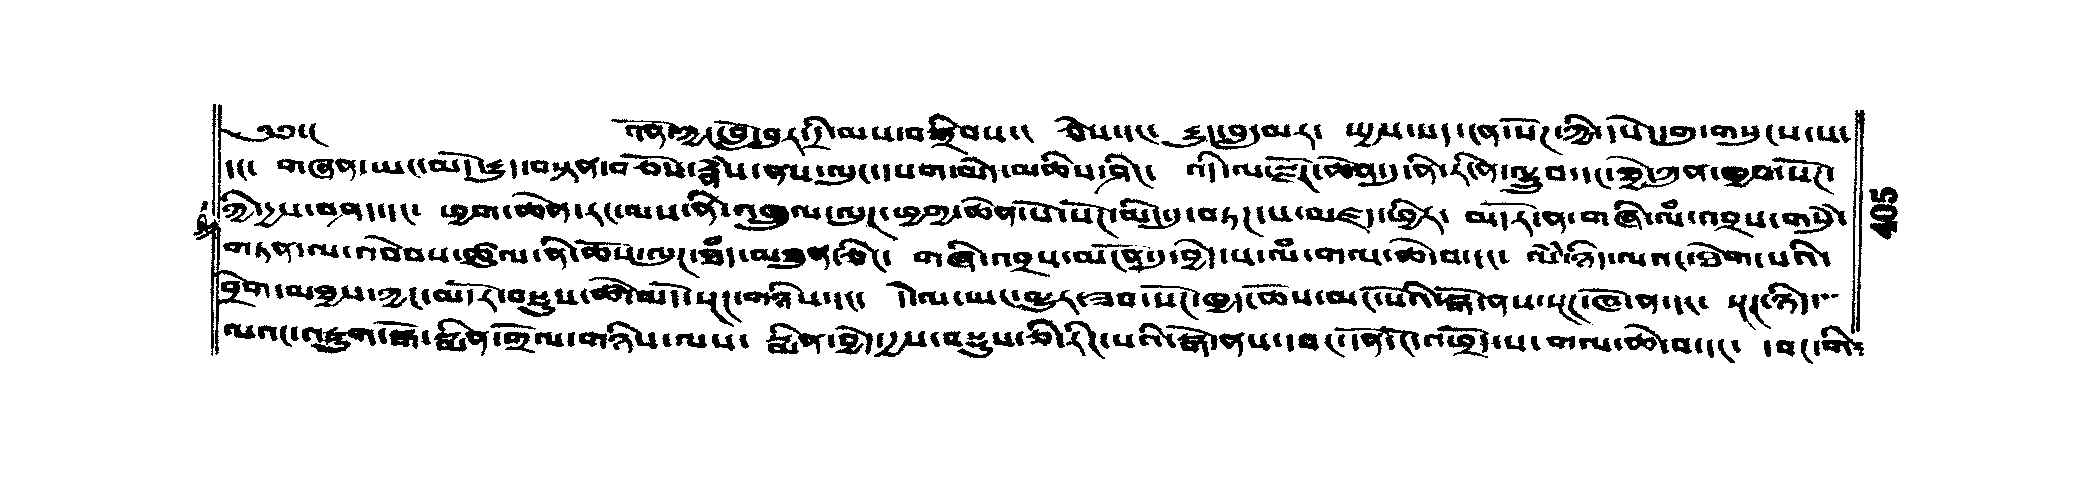འོན་ཀྱང་གློ་བུར་དྲི་མས་བསྒྲིབས། །ཅེས་དང་། རྒྱུད་བླ་མར། སངས་རྒྱས་སད་ངན་སོགས་ཀྱི་དཔེ་དགུ་གསུངས་པ་
དང་། གཞན་ཡང་མདོ་རྒྱུད་བསྟན་བཅོས་རྣམས་ནས་ལུང་དཔག་མེད་མཆིས་ཤིང་། འདི་ལ་རྫོགས་ཆེན་དུ་ནི་རང་བཞིན་ལྷུན་གྲུབ་དང་ཐུགས་རྗེ་ཀུན་ཁྱབ་སོགས་
ཀྱི་རྒྱས་བཤད་དང་། ཕྱག་ཆེན་རང་ལས་ནི་འཁྲུལ་ལུགས་ཕྱག་རྒྱ་ཆེན་པོ་སོགས་མིང་དུ་བཏགས་པ་མཛད་ཕྱིར། མདོར་ན་གཞི་ལམ་འབྲས་གསུམ་
གཏན་ལ་འབེབས་ཚུལ་ནི་ཆོས་ལུགས་ཐམས་ཅད་མཐུན་ཅིང་། གཞི་ལམ་འབྲས་མངོན་དུ་བྱེད་པ་ལམ་གལ་ཆེ་བ་དང་། ལམ་ཉིད་ལའང་ཐེག་པའི་
བྱེ་བྲག་མཐའ་ཡས་ཀྱང་མདོར་བསྡུས་ཚེ་མདོ་སྔགས་གཉིས་དང་། དེ་ལ་ཡང་མྱུར་ཟབ་སོགས་ཁྱད་ཆོས་མང་པོའི་སྒོ་ནས་སྔགས་ཁོ་ན་དང་། སྔགས་ཉིད་
ལའང་འཇུག་སྒོ་སྨིན་གྲོལ་གཉིས་ལས།སྨིན་བྱེད་རྒྱས་བསྡུས་ཅི་རིགས་པའི་སྒོ་ནས་དབང་དོན་་ངོ་འཕྲོད་པ་གལ་ཆེ་བ་དང་། དབང་གི་